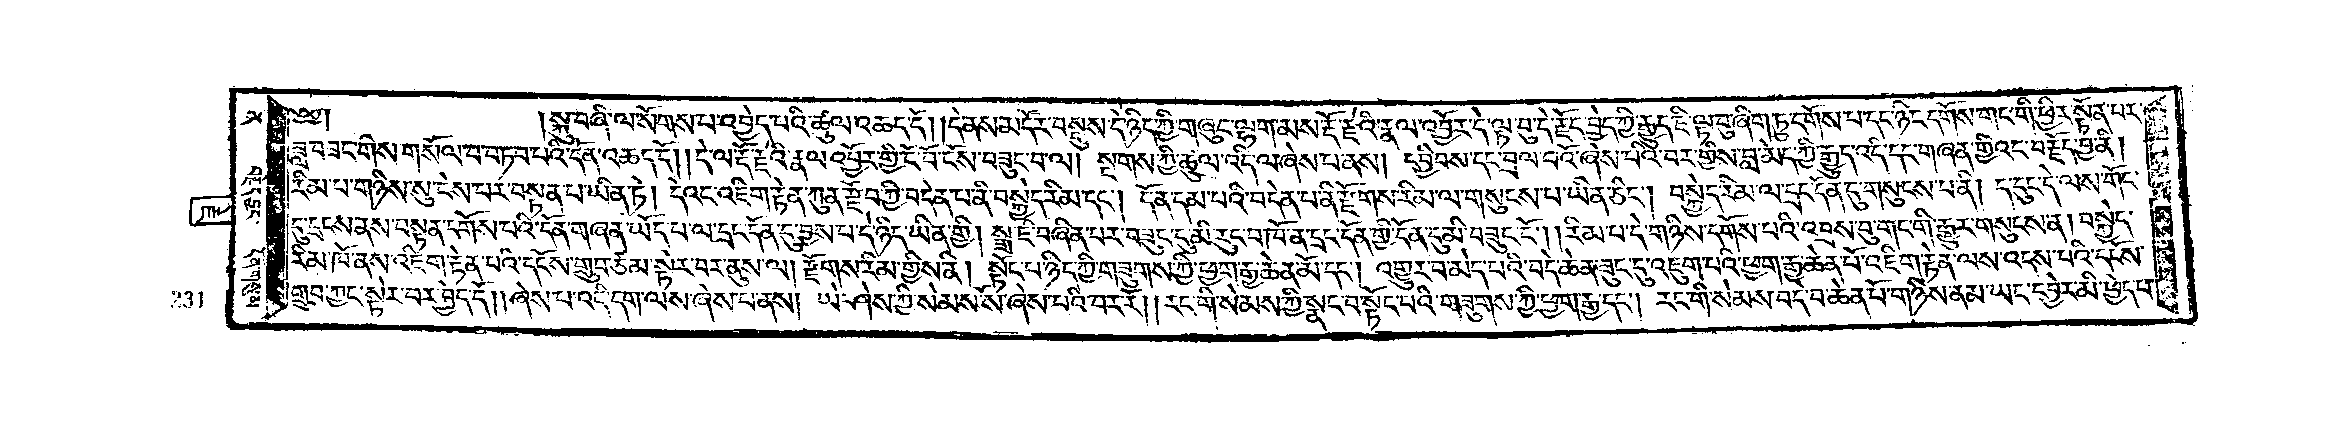༄༅། །སྐུ་བཞི་ལ་སོགས་པ་འབྱེད་པའི་ཚུལ་འཆད་དོ། །དེ་ནས་མདོར་བསྡུས་དེ་ཉིད་ཀྱི་གཞུང་ལྷག་མས་རྡོ་རྗེའི་རྣལ་འབྱོར་དེ་ལྟ་བུ་དེ་རྗོད་བྱེད་ཀྱི་རྒྱུད་ཇི་ལྟ་བུ་ཞིག་ཏུ་དགོས་པ་དང་ཉིད་དགོས་གང་གི་ཕྱིར་སྟོན་པར་
ཟླ་བཟང་གིས་གསོལ་བ་བཏབ་པའི་དོན་འཆད་དོ། །དེ་ལ་རྡོ་རྗེའི་རྣལ་འབྱོར་གྱི་ངོ་བོ་ངོས་བཟུང་བ་ལ། སྔགས་ཀྱི་ཚུལ་འདི་ལ་ཞེས་པ་ནས། དབྱིབས་དང་བྲལ་བའོ་ཞེས་པའི་བར་གྱིས་བླ་མེད་ཀྱི་རྒྱུད་འདི་དང་གཞན་གྱིའང་བརྗོད་བྱ་ནི།
རིམ་པ་གཉིས་སུ་ངེས་པར་བསྟན་པ་ཡིན་ཏེ། དེའང་འཇིག་རྟེན་ཀུན་རྫོབ་ཀྱི་བདེན་པ་ནི་བསྐྱེད་རིམ་དང་།དོན་དམ་པའི་བདེན་པ་ནི་རྫོགས་རིམ་ལ་གསུངས་པ་ཡིན་ཅིང་།བསྐྱེད་རིམ་ལ་དྲང་དོན་དུ་གསུངས་པ་ནི། ད་དུང་དེ་ལས་གོང་
དུ་དྲངས་ནས་བསྟན་དགོས་པའི་དོན་གཞན་ཡོད་པ་ལ་དྲང་དོན་དུ་བྱས་པ་དེ་ཉིད་ཡིན་གྱི། སྒྲ་ཇི་བཞིན་པར་བཟུང་དུ་མི་རུང་བ་ཁོ་ན་དྲང་དོན་གྱི་དོན་དུ་མི་བཟུང་ངོ། །རིམ་པ་དེ་གཉིས་དགོས་པའི་འབྲས་བུ་གང་གི་རྒྱུར་གསུངས་ན། བསྐྱེད་
རིམ་ཁོ་ནས་འཇིག་རྟེན་པའི་དངོས་གྲུབ་ཙམ་སྟེར་བར་ནུས་ལ། རྫོགས་རིམ་གྱིས་ནི། སྟོང་པ་ཉིད་ཀྱི་གཟུགས་ཀྱི་ཕྱག་རྒྱ་ཆེན་མོ་དང་།འགྱུར་བ་མེད་པའི་བདེ་ཆེན་ཟུང་དུ་འཇུག་པའི་ཕྱག་རྒྱ་ཆེན་པོ་འཇིག་རྟེན་ལས་འདས་པའི་དངོས་
གྲུབ་ཀྱང་སྟེར་བར་བྱེད་དོ། །ཞེས་པ་འདི་དག་ལས་ཞེས་པ་ནས། ཡེ་ཤེས་ཀྱི་སེམས་སོ་ཞེས་པའི་བར་རོ། །རང་གི་སེམས་ཀྱི་སྣང་བ་སྟོང་པའི་གཟུགས་ཀྱི་ཕྱག་རྒྱ་དང་།རང་གི་སེམས་བདེ་བ་ཆེན་པོ་གཉིས་ནམ་ཡང་དབྱེར་མི་ཕྱེད་པ་